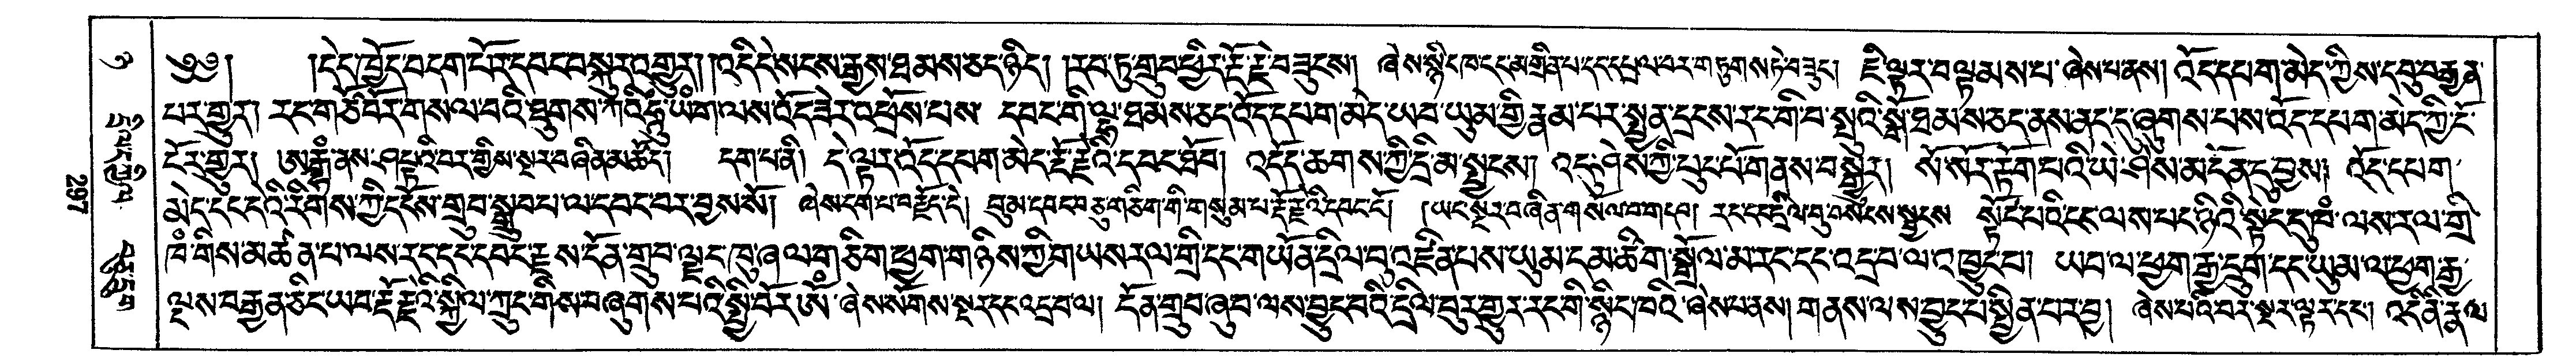༄༅། །དེང་ཁྱོད་བདག་པོར་དབང་བསྐུར་འགྱུར། །འདི་དེ་སངས་རྒྱས་ཐམས་ཅད་ཉིད། །རབ་ཏུ་གྲུབ་ཕྱིར་རྡོ་རྗེ་བཟུངས། ཞེས་སྙིང་ཁ་དང་མགྲིན་བ་དང་དཔྲལ་བར་གཏུགས་ཏེ་བཟུང་། ཇི་ལྟར་བལྟམས་པ་ཞེས་པ་ནས། འོད་དཔག་མེད་ཀྱིས་དབུ་བརྒྱན་
པར་གྱུར། རང་ཙོ་བོར་གསལ་བའི་ཐུགས་ཀའི་ཧཱུཾ་ཡིག་ལས་འོད་ཟེར་འཕྲོས་པས། དབང་གི་ལྷ་ཐམས་ཅད་འོད་དཔག་མེད་ཡབ་ཡུམ་གྱི་རྣམ་པར་སྤྱན་དྲངས་རང་གི་བ་སྤུའི་སྒོ་ཐམས་ཅད་ནས་ནང་དུ་ཞུགས་པས་འོད་དཔག་མེད་ཀྱི་ངོ་
བོར་གྱུར། ཨརྒྷཾ་ནས་ཤཔྟའི་བར་གྱིས་སྔར་བཞིན་མཆོད། དག་པ་ནི། དེ་ལྟར་འོད་དཔག་མེད་རྡོ་རྗེའི་དབང་ཐོབ། འདོད་ཆགས་ཀྱི་དྲི་མ་སྦྱངས། འདུ་ཤེས་ཀྱི་ཕུང་པོ་གནས་བསྒྱུར། སོ་སོར་རྟོག་པའི་ཡེ་ཤེས་མངོན་དུ་བྱས། འོད་དཔག་
མེད་དང་དེའི་རིགས་ཀྱི་དངོས་གྲུབ་སྒྲུབ་པ་ལ་དབང་བར་བྱས་སོ། ཞེས་དག་པ་བརྗོད་དེ། བུམ་དབང་བཅུ་གཅིག་གི་གསུམ་བ་རྡོ་རྗེའི་དབང་ངོ། །ཡང་སྔར་བཞིན་གསོལ་བ་གདབ། རང་དང་དྲིལ་བུ་བསངས་སྦྱངས། སྟོང་བའི་ངང་ལས་པད་ཉིའི་སྟེང་དུ་ཁཾ་ལས་རལ་གྲི་
ཁཾ་གིས་མཚན་པ་ལས་རང་དང་དབང་རྫས་དོན་གྲུབ་ལྗང་ཁུ་ཞལ་གཅིག་ཕྱག་གཉིས་ཀྱི་གཡས་རལ་གྲི་དང་གཡོན་དྲིལ་བུ་འཛིན་པས་ཡུམ་དམ་ཚིག་སྒྲོལ་མ་རང་དང་འདྲ་བ་ལ་འཁྱུད་པ། ཡབ་ལ་ཕྱག་རྒྱ་དྲུག་དང་ཡུམ་ལ་ཕྱག་རྒྱ་
ལྔས་བརྒྱན་ཅིང་ཡབ་རྡོ་རྗེའི་སྐྱིལ་ཀྲུང་གིས་བཞུགས་པའི་སྤྱི་བོར་ཨོཾ་ཞེས་སོགས་སྔར་དང་འདྲ་བ་ལ། དོན་གྲུབ་ཞུ་བ་ལས་བྱུང་བའི་དྲིལ་བུར་གྱུར་རང་གི་སྙིང་ཁའི་ཞེས་པ་ནས། གནས་ལས་བྱུང་བ་སྦྱིན་པར་བྱ། ཞེས་པའི་བར་སྔར་ལྟར་དང་། འདི་ནི་རྣལ་